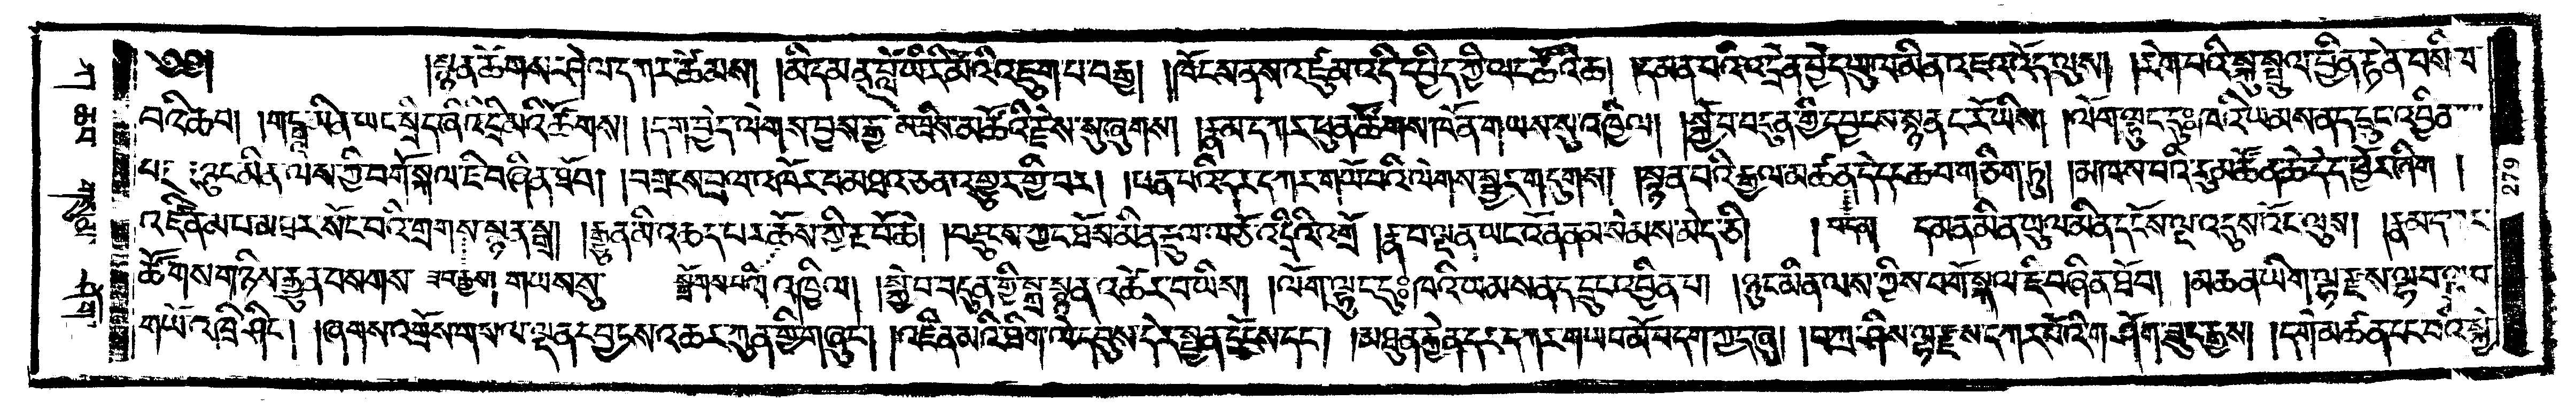༄༅། །སྙན་ཆོགས་ཤེལ་དཀར་ཚེམས། །མི་དམན་བློ་ཡཾ་རི་མོའི་འཇུག་པ་བརྒྱ། །ཁོངས་ནས་འཛུམ་འདི་དབྱི་དཀྱི་ལང་ཚོའི་ཆ། །དམན་པའི་འདྲེན་བྱེད་ཡུལ་མིན་འཇའ་འོད་ལུས། །རེག་པའི་སྐུ་སྤྲུལ་བྱིན་རྟེན་བསིབ་
བའི་ཆབ། །གངྒཱ་ཡིན་ཡང་སྲིད་ཞིའི་དྲི་སའོ་ཚོགས། །དག་བྱེད་ལེགས་བྱས་རྒྱ་མ་བྲིས་མཚོའི་རྗེས་སུ་ཞུགས། །རྣམ་དཀར་ཕུན་ཚོགས་ཁོན་གཡས་སུ་འཁྱིལ། །སྐྱོབ་བདུན་གྱི་དབྱངས་སྙན་ང་རོ་ཡིས། །ལོག་ལྟུང་དུཿ ཁའི་ཡམས་ནད་དྲུང་འབྱིན་
པ་ཉུང་མིན་ལས་ཀྱི་བགོ་སྐལ་ཇི་བཞིན་ཐོབ། །བགྲངས་བྲལ་འཁོར་བ་མཐའ་ཅན་འགྱུར་གྱི་བར། །ཕན་པའི་དར་དཀར་གཡོ་བའི་ལེགས་སྦྱར་གདུགས། །སྙན་པའི་རྒྱལ་མཚན་དེ་དན་ཆབ་གཅིག་ཏུ། །མཁས་བའི་རུ་མཚོན་ཆེ་དེད་ཕྱོར་ཞིག།
འཛིན་པ་མཐར་སོང་བའི་གྲགས་སྙན་སྒྲ། །རྒྱུན་མི་འཆད་པར་ཆོས་གྱི་རྔ་པོ་ཆེ། །བརྡུངས?་ཀྱང་ཐོས་མིན་རྡུལ་ལ་ཅོ་འདྲིའི་འགྲོ་།རྣམ་བ་ལྡན་ལང་འོན་ནམ་སེམས་མེད་ཅི། །བདན། དམན་མིན་ཡུལ་མིན་དངོས་ལྔ་འདུས་འོང་ལུས། །རྣམ་དཀར་
ཚོགས་གཉིས་རྒྱུན་བསགས་ཟབ་རྒྱས། གཡས་སུ་སྒྲོགས་པའི། འཁྱིལ། །སྐྱེ་བ་བདུན་གྱི་སྐ་སྙན་འཚེར་བ་ཡིས། །ལོག་ལྟུང་དུཿ ཁའི་ཡམས་ནད་དྲུང་འབྱིན་པ། །ཉུང་མིན་ལས་ཀྱིས་བགོ་སྐལ་ཇི་བཞིན་ཐོབ། །མཆན་ཡིག་ལྷ་རྫས་ལྷབ་ལྷབ?
གཡོ་འཁྲི་ཤིང་། །ཞགས་འགྲོས་གསལ་ལྡན་དབྱངས་འཆར་ཀུན་གྱི་གཞུང་། །འཛིན་མའི་ཐིག་ལེ་དབུས་དེར་སྤྱན་དྲོངས་དང་། །མཐུན་རྐྱེན་དང་དཀར་གཡབ་མོ་བདག་ཀྱད་ཞུ། །བཀྲ་ཤིས་ལྷ་རྫས་དཀར་པོའི་གཤོག་ཟུང་རྒྱས། །དགེ་མཚན་ངང་བའི་སྐྱེ་